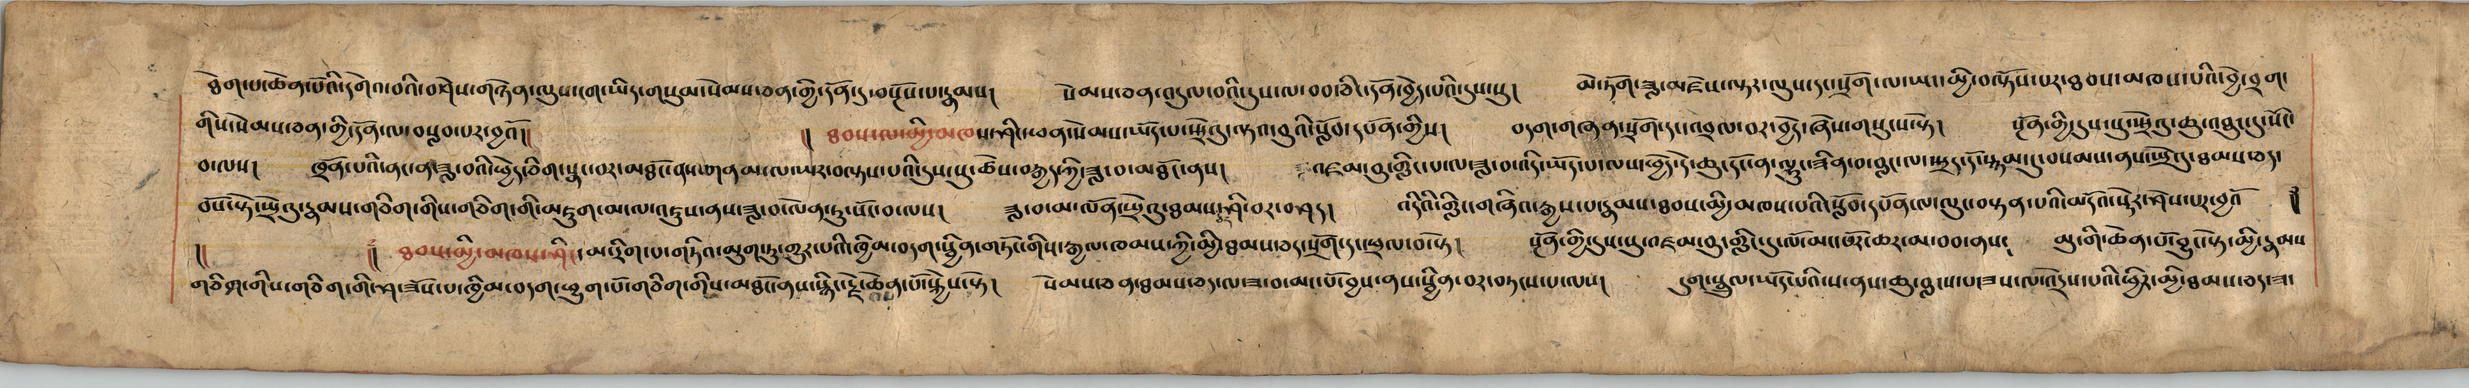ཐེག་པ་ཆེན་པོའི་དགེའ་བའི་བཤེས་གཉེན་ལུས་ངག་ཡིད་གསུམ་སེམས་ཅན་གྱི་དོན་དུ་བསྔོས་པ་རྣམས། སེམས་ཅན་འདུལ་བའི་དུས་ལ་བབ་ཅིང་དོན་བྱེད་པའི་དུས་སུ། མེ་ཏོག་ཟླ་མཛེས་ལྟར་ལུས་དང་སྲོག་ལ་ཡང་མྱི་བལྟོས་པར་ཐབས་མཁས་པའི་བྱེ་བྲག་
གིས་སེམས་ཅན་གྱི་དོན་ལ་བསླབ་པར་བྱའོ།། །། ཐབས་ལ་མྱི་མཁས་ཤིང་ཕན་སེསམ་ཡོད་པ་སྤྲེའུ་ལྟའ་བུའི་སློབ་དཔོན་གྱིས། བདག་གཞན་སྲོག་དང་འབྲལ་བ་བྱེད་ཞེས་གསུངས་སྟེ། སྔོན་གྱི་དུས་སུ་སྤྲེའུ་ཆུ་འཐུང་དུ་སོང་
བ་ལས། ཁྲོན་པའི་ནང་ན་ཟླ་བའི་ཕྱེད་ཅིག་སྣང་བར་མཐོང་ནས་གནམ་ལ་ཡར་བལྟས་པའི་དུས་སུ་ཚེས་བརྒྱད་ཀྱི་ཟླ་བ་མཐོང་ནས། འཛམ་བུ་གླིང་པ་ལ་ཟླ་བ་འདི་ཡོད་པ་ལས་ཕྱེད་དེ་ཆུ་དོང་ན་ལྷུང་ཟིན་བ་བླང་ལ་སྤྲད་དོ་སྙམ་དུ་བསམས་ནས་སྤྲེའུ་ཐམས་ཅད་
བསོ་སྡེ་ཡྲོའུ་རྣམས་གཅིག་གིས་གཅིག་གི་མཇུག་མངལ་འཇུས་ནས་ཟླ་བ་ལོན་རུ་སོང་བ་ལས། ཟླ་བ་ལོན་ཡྲེའུ་ཐམས་ཅད་ཤི་བར་བཤད། འདིའི་གླིང་གཞིའ་རྒྱས་པ་རྣམས་ཐབས་མྱི་མཁས་པའི་སློབ་དཔོན་ལ་ལུང་བསྟན་པའི་མདོའ་སྡེར་ཤེས་པར་བྱའོ་
།། ཐབས་མྱི་མཁས་ཤིང་མ་རིག་པ་གཏིའ་མུག་ཏུ་གྱུར་པའི་ཁྱིམ་བདག་སྦྱིན་གཏོང་གིས་རྒྱལ་ཁམས་ཀྱི་མྱི་ཐམས་ཅད་སྲོག་དང་ཕྲལ་བ་སྟེ། སྔོན་གྱི་དུས་སུ་འཛམ་བུ་གླིང་དུ་ལོ་མང་པོར་ཆར་མ་བབ་ནས༴ མུ་གི་ཆེན་པོ་བྱུང་སྟེ་མྱི་རྣམས
གཅིག་གིས་གཅིག་གི་ཤ་ཟོས་པ་ཁྱིམ་བདག་ཕྱུག་པོ་གཅིག་གིས་མཐོང་ནས་སྙིང་རྗེ་ཆེན་པོ་སྐྱེས་སྟེ། སེམས་ཅན་ཐམས་ཅད་ལ་ཟ་བ་མང་པོ་བྱས་ནས་སྦྱིན་བར་བཏངས་པ་ལས། དུག་སྦྲུལ་ཡོད་པའི་ས་ནས་ཆུ་བླངས་པ་ཟས་ལ་འདྲེས་པའི་ཕྱིར་མྱི་ཐམས་ཅད་ཟ་